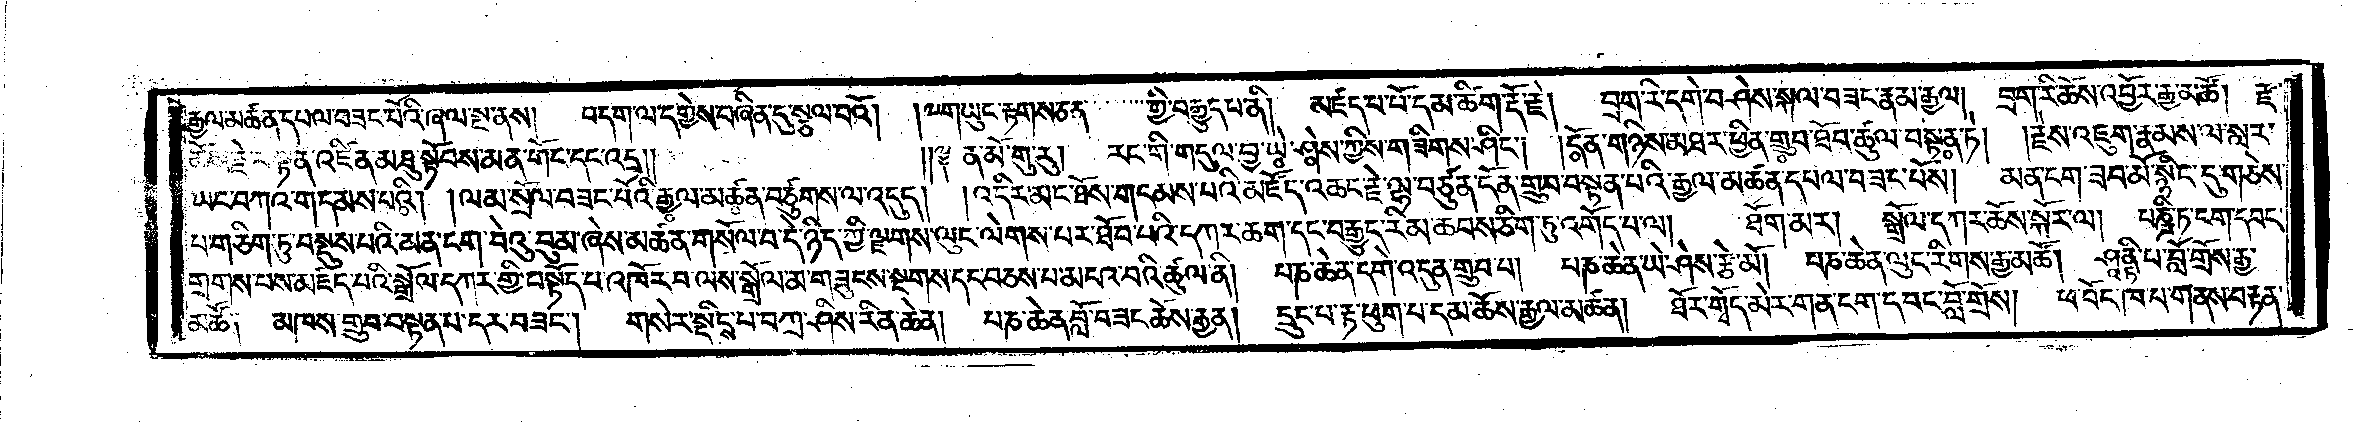རྒྱལ་མཚན་དཔལ་བཟང་པོའི་ཞལ་སྔ་ནས། བདག་ལ་དགྱེས་བཞིན་དུ་སྩལ་བའོ། །༧གཡུང་རྟགས་ཅན་གྱི་བརྒྱུད་པ་ནི། མཛད་པ་པོ་དམ་ཚིག་རྡོ་རྗེ། བྲག་རི་དགེ་བཤེས་སྐལ་བཟང་རྣམ་རྒྱལ། བྲག་རི་ཆོས་འབྱོར་རྒྱ་མཚོ། རྫ་
ཆོས་རྗེ་བསྟན་འཛིན་མཐུ་སྟོབས་མན་གོང་དང་འདྲ།། །།༈ ན་མོ་གུ་རུ། རང་གི་གདུལ་བྱ་ཡེ྾་ཤེས྾་ཀྱིས་གཟིགས་ཤིང་། །དོན྾་གཉིས་མཐར་ཕྱིན་གྲུབ྾་ཐོབ་ཚུལ་བསྟན྾་ཏེ། །རྗེས་འཇུག་རྣམས་ལ་སླར་
ཡང་བཀའ་གདམས་པའི྾། །ལམ་སྲོལ་བཟང་པོའི་རྒྱལ྾་མཚན྾་བཙུགས་ལ་འདུད། །འདིར་མང་ཐོས་གདམས་པའི་མཛོད་འཆང་རྗེ་ལྷ་བཙུན་དོན་གྲུབ་བསྟན་པའི་རྒྱལ་མཚན་དཔལ་བཟང་པོས། མན་ངག་ཟབ་མོ་སྙིང་དུ་གཅེས་
པ་གཅིག་ཏུ་བསྡུས་པའི་མེན་ངག་བེའུ་བུམ་ཞེས་མཚན་གསོལ་བ་དེ་ཉིད་ཀྱི་ལྗགས་ལུང་ལེགས་པར་ཐོབ་པའི་དཀར་ཆག་དང་བརྒྱུད་རིམ་ཆབས་ཅིག་ཏུ་འགོད་པ་ལ། ཐོག་མར། སྒྲོལ་དཀར་ཆོས་སྐོར་ལ། པཎྜི་ཏ་ངག་དབང་
གྲགས་པས་མཛད་པའི་སྒྲོལ་དཀར་གྱི་བསྟོད་པ་འཁོར་བ་ལས་སྒྲོལ་མ་གཟུངས་སྔགས་དང་བཅས་པ་མངའ་བའི་ཚུལ་ནི། པཎ་ཆེན་དགེ་འདུན་གྲུབ་པ། པཎ་ཆེན་ཡེ་ཤེས་རྩེ་མོ། པཎ་ཆེན་ལུང་རིགས་རྒྱ་མཚོ། ཤཱནྟི་པ་བློ་གྲོས་རྒྱ་
མཚོ༑ མཁས་གྲུབ་བསྟན་པ་དར་བཟང་། གསེར་སྡིངས་པ་བཀྲ་ཤིས་རིན་ཆེན། པཎ་ཆེན་བློ་བཟང་ཆོས་རྒྱན། དྲུང་པ་རྟ་ཕུག་པ་དམ་ཆོས་རྒྱལ་མཚན། ཐོར་གྭོད་མེར་གན་ངག་དབང་བློ་གྲོས། ཕ་བོང་ཁ་པ་གནས་བརྟན་